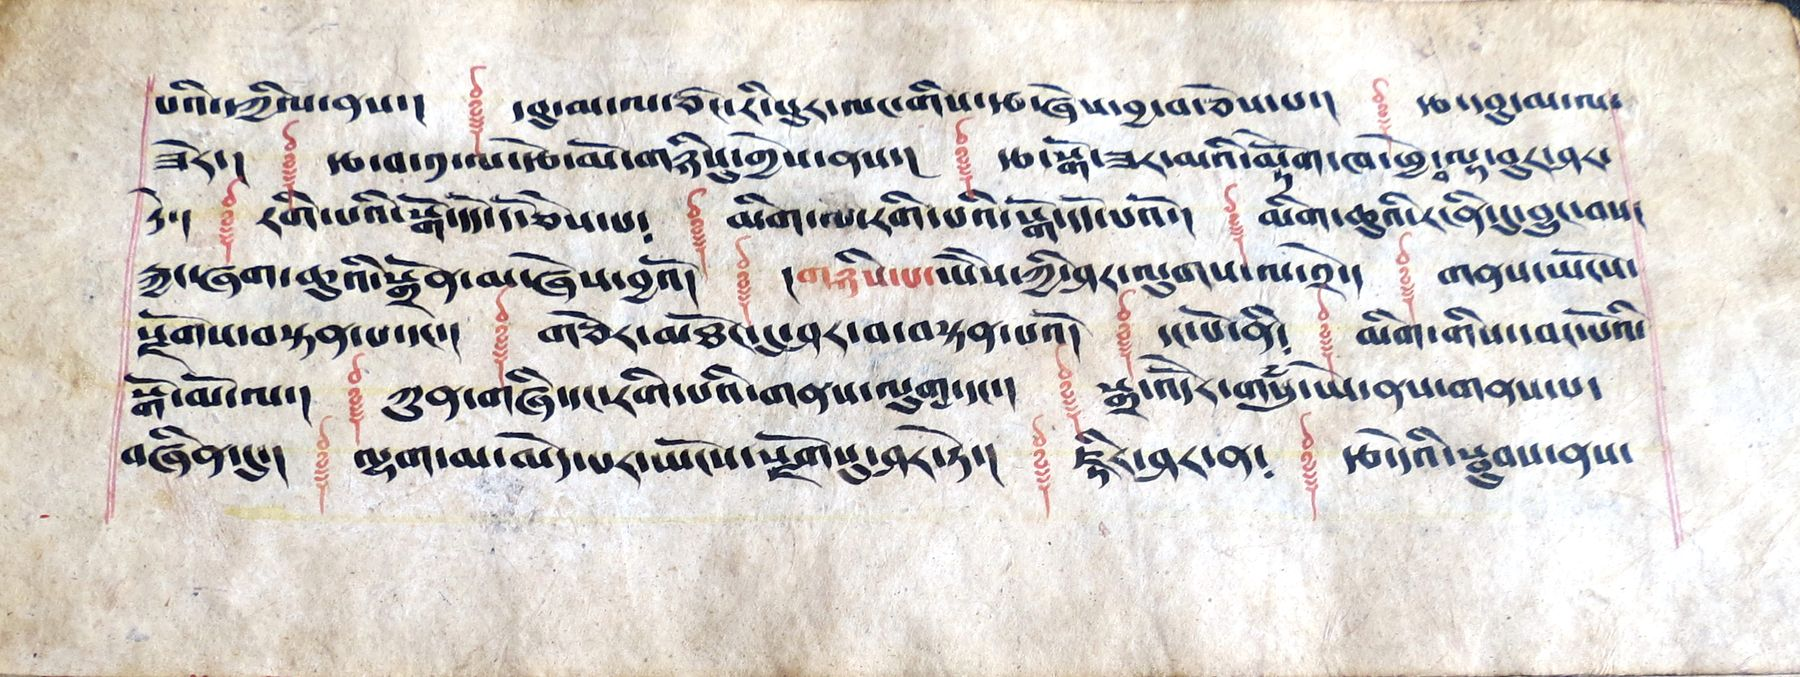དཀྱིལ་ནས། དབུས་མ་ལ་ཙང་རི་པུར་ལང་གི་རྩ་ཞེས་བྱ་བ། །ཞེས་པས། རྩ་དབུ་མ་ལ་
ཟེར། རྩ་བ་གཅིག་ལ་རྩེ་མོ་གཉིས་སུ་གྱེས་ནས། རྩ་སྒོ་ཟར་མའི་མེ་ཏོག་ཁ་བྱེ་བ་ལྟ་བུར་ཤར་
ཏེ། རིག་པའི་མཐོང་སྒོ་དོད་དོ། །ཞེས་པས། མིག་ལ་ཀུན་གཞི་རིག་པའི་སྒོ་དོད་པའོ། །མིག་ཆུའི་རང་བཞིན་དུ་བྱུང་པས། 
རྒྱང་ཞགས་ཆུའི་སྒྲོན་མ་ཞེས་བྱའོ། །གཉིས་པ་ཡེ་ཤེས་ཀྱི་ཤར་ལུགས་ལ་གཉིས་ཏེ། གནས་ཡོངས་
རྫོགས་སུ་བསྟན་པ་དང་། གཅེར་མཐོང་དུ་ཤར་བ་བསྟན་པའོ། །དང་པོ་ནི། མིག་གི་དབང་པོའི་
སྒོ་མོ་ལ། ཀུན་གཞི་དང་རིག་པའི་གནས་ལུགས་དང་། སྒྲ་འོད་ཟེར་གསུམ་ཡེ་ནས་གནས་པ་
བཞིན་དུ། ལྷག་མ་མེད་པར་ཡོངས་རྫོགས་སུ་ཤར་ཏེ། ཇི་ལྟར་ཤར་ན། རྩ་དེ་ཡི་སྦུབས་ནས་